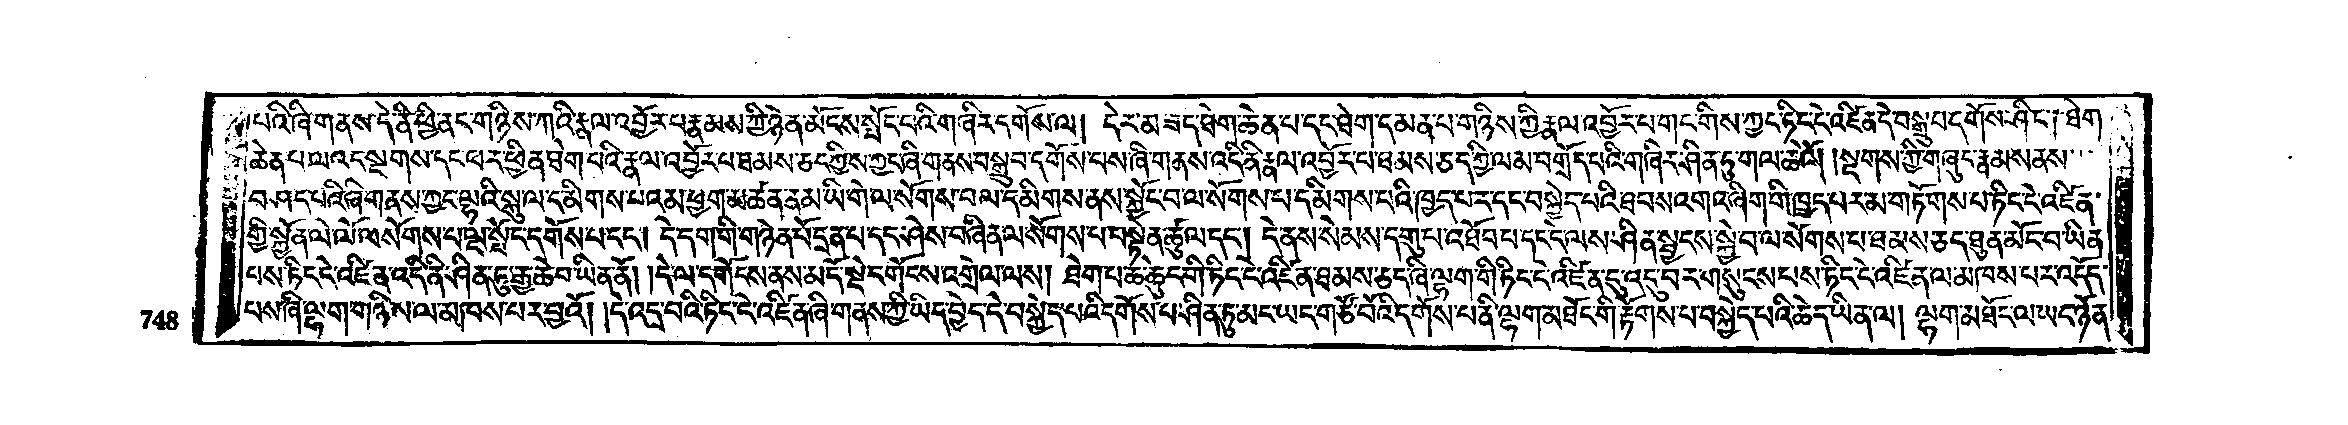པའི་ཞི་གནས་དེ་ནི་ཕྱི་ནང་གཉིས་ཀའི་རྣལ་འབྱོར་པ་རྣམས་ཀྱི་ཉོན་མོངས་སྤོང་བའི་གཞིར་དགོས་ལ། དེར་མ་ཟད་ཐེག་ཆེན་པ་དང་ཐེག་དམན་པ་གཉིས་ཀྱི་རྣལ་འབྱོར་པ་གང་གིས་ཀྱང་ཏིང་ངེ་འཛིན་དེ་བསྒྲུབ་དགོས་ཤིང་། ཐེག་
ཆེན་པ་ལའང་སྔགས་དང་ཕར་ཕྱིན་ཐེག་པའི་རྣལ་འབྱོར་པ་ཐམས་ཅད་ཀྱིས་ཀྱང་ཞི་གནས་བསྒྲུབ་དགོས་པས་ཞི་གནས་འདི་ནི་རྣལ་འབྱོར་པ་ཐམས་ཅད་ཀྱི་ལམ་བགྲོད་པའི་གཞིར་ཤིན་ཏུ་གལ་ཆེའོ། །སྔགས་ཀྱི་གཞུང་རྣམས་ནས་
བཤད་པའི་ཞི་གནས་ཀྱང་ལྷའི་སྐུ་ལ་དམིགས་པའམ་ཕྱག་མཚན་ནམ་ཡི་གེ་ལ་སོགས་པ་ལ་དམིགས་ནས་སྐྱོང་བ་ལ་སོགས་པ་དམིགས་པའི་ཁྱད་པར་དང་བསྐྱེད་པའི་ཐབས་འགའ་ཞིག་གི་ཁྱད་པར་མ་གཏོགས་པ་ཏིང་ངེ་འཛིན་
གྱི་སྐྱོན་ལེ་ལོ་ལ་སོགས་པ་ལྔ་སྤོང་དགོས་པ་དང་། དེ་དག་གི་གཉེན་པོ་དྲན་པ་དང་ཤེས་བཞིན་ལ་སོགས་པ་བསྟེན་ཚུལ་དང་། དེ་ནས་སེམས་དགུ་པ་འཐོབ་པ་དང་དེ་ལས་ཤིན་སྦྱངས་སྐྱེ་བ་ལ་སོགས་པ་ཐམས་ཅད་ཐུན་མོང་བ་ཡིན་
པས་ཏིང་ངེ་འཛིན་འདི་ནི་ཤིན་ཏུ་རྒྱ་ཆེ་བ་ཡིན་ནོ། །དེ་ལ་དགོངས་ནས་མདོ་སྡེ་དགོངས་འགྲེལ་ལས། ཐེག་པ་ཆེ་ཆུང་གི་ཏིང་ངེ་འཛིན་ཐམས་ཅད་ཞི་ལྷག་གི་ཏིང་ངེ་འཛིན་དུ་འདུ་བར་གསུངས་པས་ཏིང་ངེ་འཛིན་ལ་མཁས་པར་འདོད་
པས་ཞི་ལྷག་གཉིས་ལ་མཁས་པར་བྱའོ། །དེ་འདྲ་བའི་ཏིང་ངེ་འཛིན་ཞི་གནས་ཀྱི་ཡིད་བྱེད་དེ་བསྐྱེད་པའི་དགོས་པ་ཤིན་ཏུ་མང་ཡང་གཙོ་བོའི་དགོས་པ་ནི་ལྷག་མཐོང་གི་རྟོགས་པ་བསྐྱེད་པའི་ཆེད་ཡིན་ལ། ལྷག་མཐོང་ལ་ཡང་ཉོན་